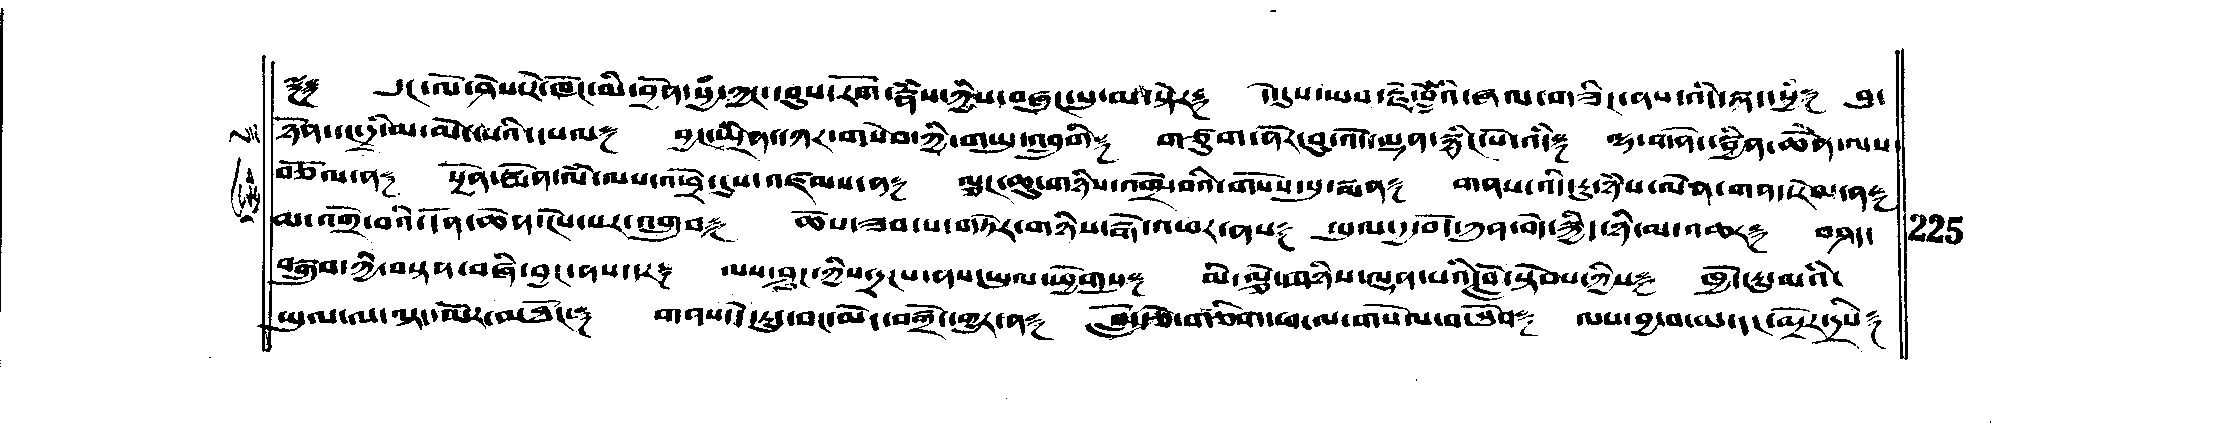དུང་ལོ་ཤེས་རེ་ཁོང་མི་བྱོན་གསུངས་ཀྱང་དབུས་རོགས་རྣམས་ཀྱིས་བཞུགས་སུ་མ་སྟེར། དེ་དུས་ཡབ་རྗེ་བླ་མའི་ཞལ་གཟིགས་ནས་འདི་སྐད་གསུངས། བུ་
ཉོན་དང་དྲི་མ་མེད་པའི་དཔལ། །བྱང་སྤྲིན་དཀར་གསེབ་གྱི་གཡུ་འབྲུག་གི། །གཙུག་ནོར་བུ་འོད་ལྡན་སྙིང་པོ་འདི། །ལྷ་གནོད་སྦྱིན་ཆེན་པོ་ལས་
བཅོལ་ན། །སྔོན་སྨོན་ལམ་ལས་འཕྲོ་དུས་འཛོམས་ན། །ལྕགས་ཆུ་གཉིས་འགྲོ་བའི་གསོས་སུ་སྨན། །གནས་འདི་རུ་ཉམས་ལེན་གནད་རེམ་ན། །
མ་འགྲོ་བའི་དོན་ཆེན་ངེས་པར་འགྲུབ། །ཆོས་ཟབ་པ་གཏེར་གཉིས་སྒོ་འཕར་ནས། །ཡུལ་རྒྱ་བོད་ཀུན་བདེ་སྐྱིད་ཉི་མ་འཆར། །བཤད་
སྒྲུབ་ཀྱི་བསྟན་གཞི་བྱང་ནས་དར། །ལས་ཤུགས་ཀྱིས་དྲངས་ནས་ཡུལ་ཕྱོགས་སུ། །མི་ལྕེ་གཉིས་ལྡན་པའི་བློ་སྟོབས་ཀྱིས། ཁྱོད་རྒྱུ་མའི་
ཡུལ་ལ་ལྟད་མོར་མཐོང་། །གནས་དེ་རུ་དབང་མེད་བགྲོད་གྱུར་ན། །བློ་རྩེ་གཅིག་ཕ་ལ་གསོལ་བ་ཐོབ། །ལས་བྱ་བ་མ་དང་མཁའ་འགྲོར་དྲིས།